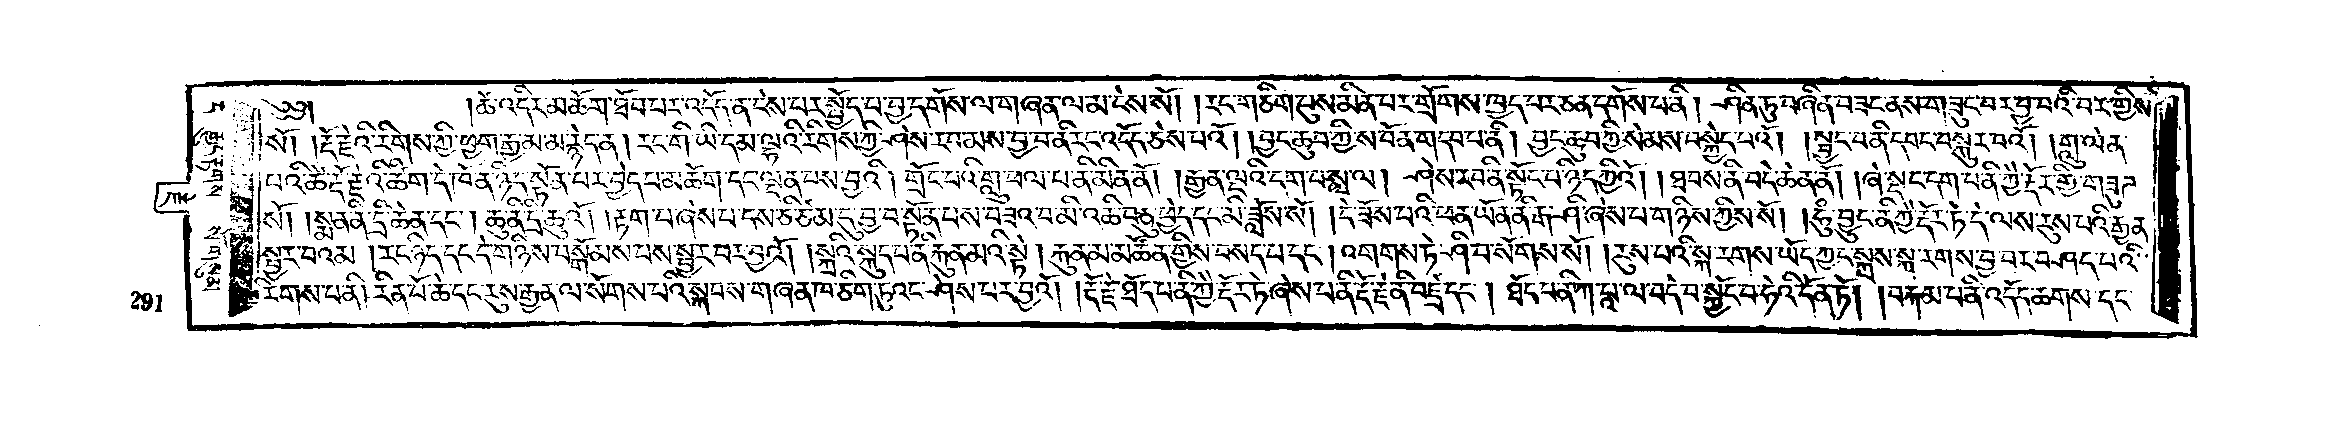༄༅། །ཚེ་འདིར་མཆོག་ཐོབ་པར་འདོད་ན་ངེས་པར་སྤྱོད་པ་བྱ་དགོས་ལ་གཞན་ལ་མ་ངེས་སོ། །རང་གཅིག་པུས་མིན་པར་གྲོགས་ཁྱད་པར་ཅན་དགོས་པ་ནི། ཤིན་ཏུ་བཞིན་བཟང་ནས་གཟུང་བར་བྱ་བའི་བར་གྱིས་
སོ། །རྡོ་རྗེའི་རིགས་ཀྱི་ཕྱག་རྒྱ་མ་མ་རྙེད་ན། རང་གི་ཡི་དམ་ལྷའི་རིགས་ཀྱི་ཤེས་རབ་མས་བྱ་བ་ནི་རང་འདོད་ཅེས་པའོ། །བྱང་ཆུབ་ཀྱི་ས་བོན་གདབ་པ་ནི། བྱང་ཆུབ་ཀྱི་སེམས་བསྐྱེད་པའོ། །སྦྱང་བ་ནི་དབང་བསྐུར་བའོ། །གླུ་ལེན་
པའི་ཚེ་རྡོ་རྗེའི་ཚིག་དེ་ཁོ་ན་ཉིད་སྟོན་པར་བྱེད་པ་མཆོག་དང་ལྡན་པས་བྱའི། གྲོང་པའི་གླུ་ཕལ་པ་ནི་མིན་ནོ། །རྒྱན་ལྔའི་དག་པ་སླ་ལ། ཤེས་རབ་ནི་སྟོང་པ་ཉིད་ཀྱིའོ། །ཐབས་ནི་བདེ་ཆེན་ནོ། །ཞེ་སྡང་དག་པ་ནི་ཀྱཻ་རྡོར་གྱི་གཟུགས་
སོ། །སྨན་ནི་དྲི་ཆེན་དང་། ཆུ་ནི་དྲི་ཆུའོ། །རྟག་པ་ཞེས་པ་དས་ཅི་ཙམ་དུ་བྱ་བ་སྟོན་པས་བཟའ་བ་མི་འཆི་བཅུ་ཕྱེད་དང་མི་ཟློས་སོ། །དེ་ཟོས་པའི་ཕན་ཡོན་ནི་རྒ་ཤི་ཞེས་པ་གཉིས་ཀྱིས་སོ། །ཧུཾ་བྱུང་ནི་ཀྱཻ་རྡོར་ཏེ་དེ་ལས་རུས་པའི་རྒྱན་
སྦྱར་བའམ། རང་ཉིད་དང་དེ་གཉིས་བསྒོམས་པས་སྦྱར་བར་བྱའོ། །སྐྲའི་སྐུད་པ་ནི་རྐུན་མའི་སྟེ། རྐུན་མ་མཚོན་གྱིས་བསད་པ་དང་། འགགས་ཏེ་ཤི་བ་སོགས་སོ། །རུས་པའི་སྐ་རགས་ཡོད་ཀྱང་སྐྲས་སྐ་རགས་བྱ་བར་བཤད་པའི་
རིགས་པ་ནི། རིན་པོ་ཆེ་དང་རུས་རྒྱན་ལ་སོགས་པའི་སྐབས་གཞན་ཁ་ཅིག་ཏུའང་ཤེས་པར་བྱའོ། །རྡོ་རྗེ་ཐོད་པ་ནི་ཀྱཻ་རྡོར་ཏེ་ཞེས་པ་ནི་རྡོ་རྗེ་ནི་བཛྲ་དང་། ཐོད་པ་ནི་ཀ་པཱ་ལ་བདེ་བ་སྐྱོང་བ་ཧེའི་དོན་ཏོ། །བརྐམ་པ་ནི་འདོད་ཆགས་དང་